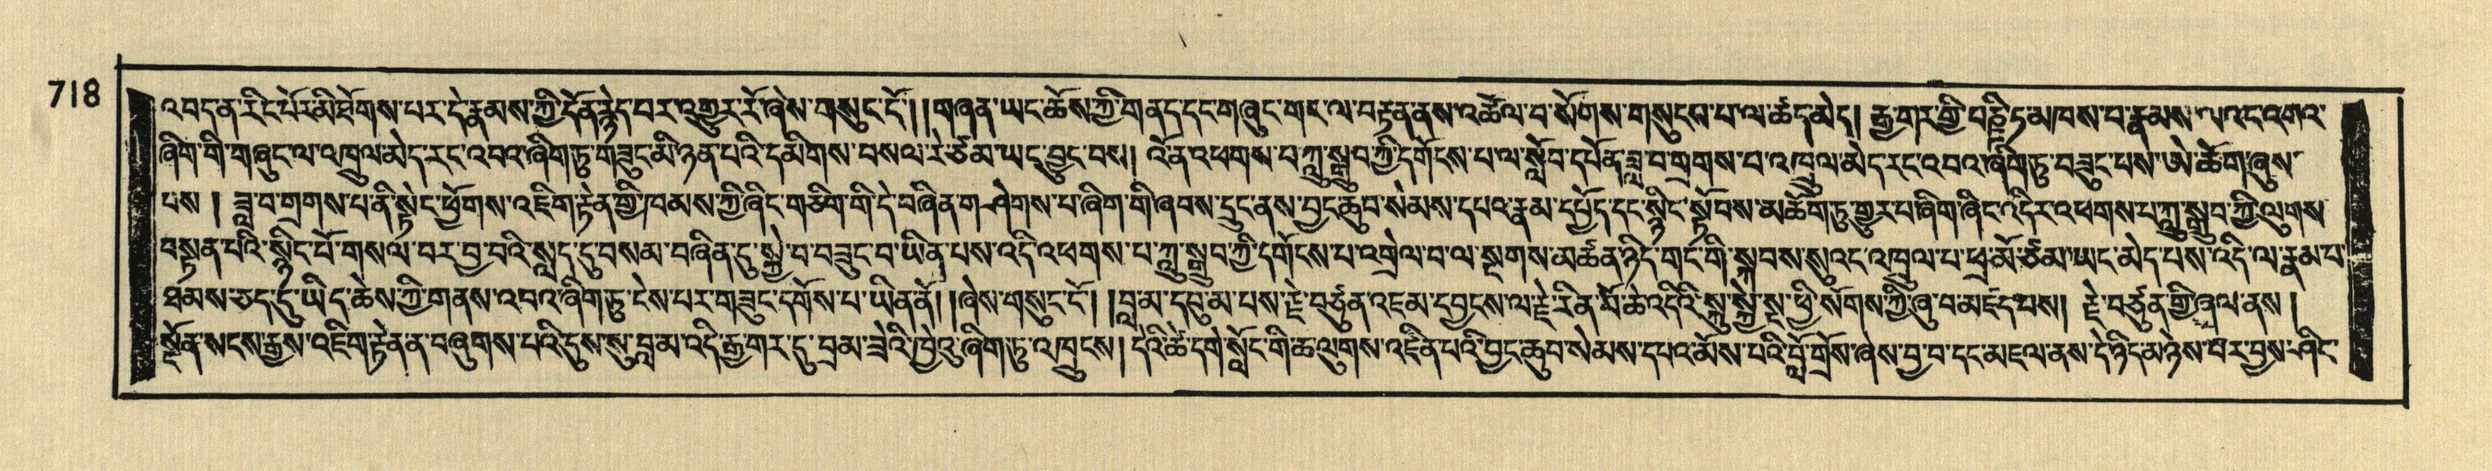འབད་ན་རིང་པོར་མི་ཐོགས་པར་དེ་རྣམས་ཀྱི་དོན་རྙེད་བར་འགྱུར་རོ་ཞེས་གསུང་ངོ། །གཞན་ཡང་ཆོས་ཀྱི་གནད་དང་གཞུང་གང་ལ་བརྟན་ནས་འཚོལ་བ་སོགས་གསུངས་པ་ལ་ཚད་མེད། རྒྱ་གར་གྱི་པཎྜི་ཏ་མཁས་བ་རྣམས་ལའང་འགའ་
ཞིག་གི་གཞུང་ལ་འཁྲུལ་མེད་རང་འབའ་ཞིག་ཏུ་གཟུང་མི་ཉན་པའི་དམིགས་བསལ་རེ་ཙམ་ཡང་བྱུང་བས། འོ་ན་འཕགས་པ་ཀླུ་སྒྲུབ་ཀྱི་དགོངས་པ་ལ་སློབ་དཔོན་ཟླ་བ་གྲགས་པ་འཁྲུལ་མེད་རང་འབའ་ཞིག་ཏུ་བཟུང་པས་ཨེ་ཆོ་ག་ཞུས་
པས། ཟླ་བ་གྲགས་པ་ནི་སྟེང་ཕྱོགས་འཇིག་རྟེན་གྱི་ཁམས་ཀྱི་ཞིང་གཅིག་གི་དེ་བཞིན་གཤེགས་པ་ཞིག་གི་ཞབས་དྲུང་ནས་བྱང་ཆུབ་སེམས་དཔའ་རྣམ་དཔྱོད་དང་སྙིང་སྟོབས་མཆོག་ཏུ་གྱུར་པ་ཞིག་ཞིང་འདིར་འཕགས་པ་ཀླུ་སྒྲུབ་ཀྱི་ལུགས་
བསྟན་པའི་སྙིང་པོ་གསལ་བར་བྱ་བའི་སླད་དུ་བསམ་བཞིན་དུ་སྐྱེ་བ་བཟུང་བ་ཡིན་པས་འདི་འཕགས་པ་ཀླུ་སྒྲུབ་ཀྱི་དགོངས་པ་འགྲེལ་བ་ལ་སྔགས་མཚན་ཉིད་གང་གི་སྐབས་སུའང་འཁྲུལ་པ་ཕྲ་མོ་ཙམ་ཡང་མེད་པས་འདི་ལ་རྣམ་པ་
ཐམས་ཅད་དུ་ཡིད་ཆེས་ཀྱི་གནས་འབའ་ཞིག་ཏུ་ངེས་པར་གཟུང་དགོས་པ་ཡིན་ནོ། །ཞེས་གསུང་ངོ། །བླ་མ་དབུ་མ་པས་རྗེ་བཙུན་འཇམ་དབྱངས་ལ་རྗེ་རིན་པོ་ཆེ་འདིའི་སྐུ་སྐྱེ་སྔ་ཕྱི་སོགས་ཀྱི་ཞུ་བ་མཛད་པས། རྗེ་བཙུན་གྱི་ཞལ་ནས།
སྔོན་སངས་རྒྱས་འཇིག་རྟེན་ན་བཞུགས་པའི་དུས་སུ་བླ་མ་འདི་རྒྱ་གར་དུ་བྲམ་ཟེའི་ཁྱེའུ་ཞིག་ཏུ་འཁྲུངས། དེའི་ཚེ་དགེ་སློང་གི་ཆ་ལུགས་འཛིན་པའི་བྱང་ཆུབ་སེམས་དཔའ་མོས་པའི་བློ་གྲོས་ཞེས་བྱ་བ་ལ་དང་མཇལ་ནས་དེ་ཉིད་མཉེས་པར་བྱས་ཤིང་